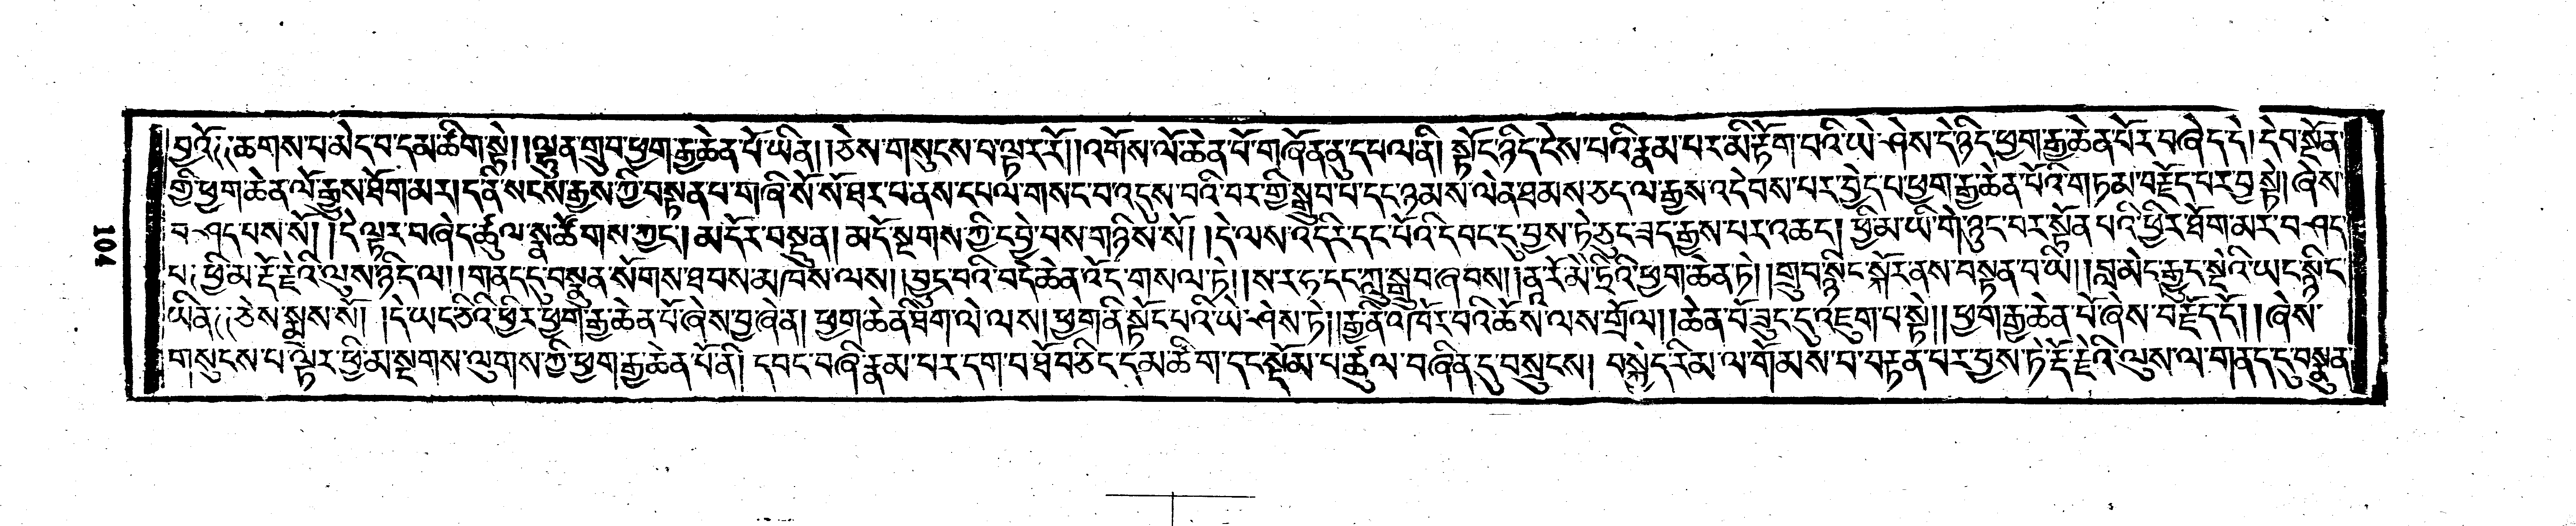བྱའོ། །ཆགས་པ་མེད་པ་དམ་ཚིག་སྟེ། །ལྷུན་གྲུབ་ཕྱག་རྒྱ་ཆེན་པོ་ཡིན། །ཅེས་གསུངས་པ་ལྟར་རོ། །འགོས་ལོ་ཆེན་པོ་གཞོན་ནུ་དཔལ་ནི། སྟོང་ཉིད་ངེས་པའི་རྣམ་པར་མི་རྟོག་པའི་ཡེ་ཤེས་དེ་ཉིད་ཕྱག་རྒྱ་ཆེན་པོར་བཞེད་དེ། དེང་སྔོན་
གྱི་ཕྱག་ཆེན་ལོ་རྒྱུས་ཐོག་མར། ད་ནི་སངས་རྒྱས་ཀྱི་བསྟན་པ་གཞི་སོ་སོ་ཐར་པ་ནས་དཔལ་གསང་བ་འདུས་པའི་བར་གྱི་སྒྲུབ་པ་དང་ཉམས་ལེན་ཐམས་ཅད་ལ་རྒྱས་འདེབས་པར་བྱེད་པ་ཕྱག་རྒྱ་ཆེན་པོའི་གཏམ་བརྗོད་པར་བྱ་སྟེ། ཞེས་
བཤད་པས་སོ། །དེ་ལྟར་བཞེད་ཚུལ་སྣ་ཚོགས་ཀྱང་། མདོར་བསྡུ་ན། མདོ་སྔགས་ཀྱི་དབྱེ་བས་གཉིས་སོ། །དེ་ལས་འདིར་དང་པོའི་དབང་དུ་བྱས་ཏེ་ཅུང་ཟད་རྒྱས་པར་འཆད། ཕྱི་མ་ཡི་གེ་ཉུང་བར་སྟོན་པའི་ཕྱིར་ཐོག་མར་བཤད་
པ། ཕྱི་མ་རྡོ་རྗེའི་ལུས་ཉིད་ལ། །གནད་དུ་བསྣུན་སོགས་ཐབས་མཁས་ལས། །བྱུང་བའི་བདེ་ཆེན་འོད་གསལ་ཏེ། །ས་ར་ཧ་དང་ཀླུ་སྒྲུབ་ཞབས། །ན་རོ་མཻ་ཏྲིའི་ཕྱག་ཆེན་ཏེ། །གྲུབ་སྙིང་སྐོར་ནས་བསྟན་པ་ཡི། །བླ་མེད་རྒྱུད་སྡེའི་ཡང་སྙིང་
ཡིན། །ཅེས་སྨྲས་སོ། །དེ་ཡང་ཅིའི་ཕྱིར་ཕྱག་རྒྱ་ཆེན་པོ་ཞེས་བྱ་ཞེ་ན། ཕྱག་ཆེན་ཐིག་ལེ་ལས། ཕྱག་ནི་སྟོང་པའི་ཡེ་ཤེས་ཏེ། །རྒྱ་ནི་འཁོར་བའི་ཆོས་ལས་གྲོལ། །ཆེན་པོ་ཟུང་དུ་འཇུག་པ་སྟེ། །ཕྱག་རྒྱ་ཆེན་པོ་ཞེས་བརྗོད་དོ། །ཞེས་
གསུངས་པ་ལྟར་ཕྱི་མ་སྔགས་ལུགས་ཀྱི་ཕྱག་རྒྱ་ཆེན་པོ་ནི། དབང་བཞི་རྣམ་པར་དག་པ་ཐོབ་ཅིང་དམ་ཚིག་དང་སྡོམ་པ་ཚུལ་བཞིན་དུ་བསྲུངས། བསྐྱེད་རིམ་ལ་གོམས་པ་བརྟན་པར་བྱས་ཏེ་རྡོ་རྗེའི་ལུས་ལ་གནད་དུ་བསྣུན་